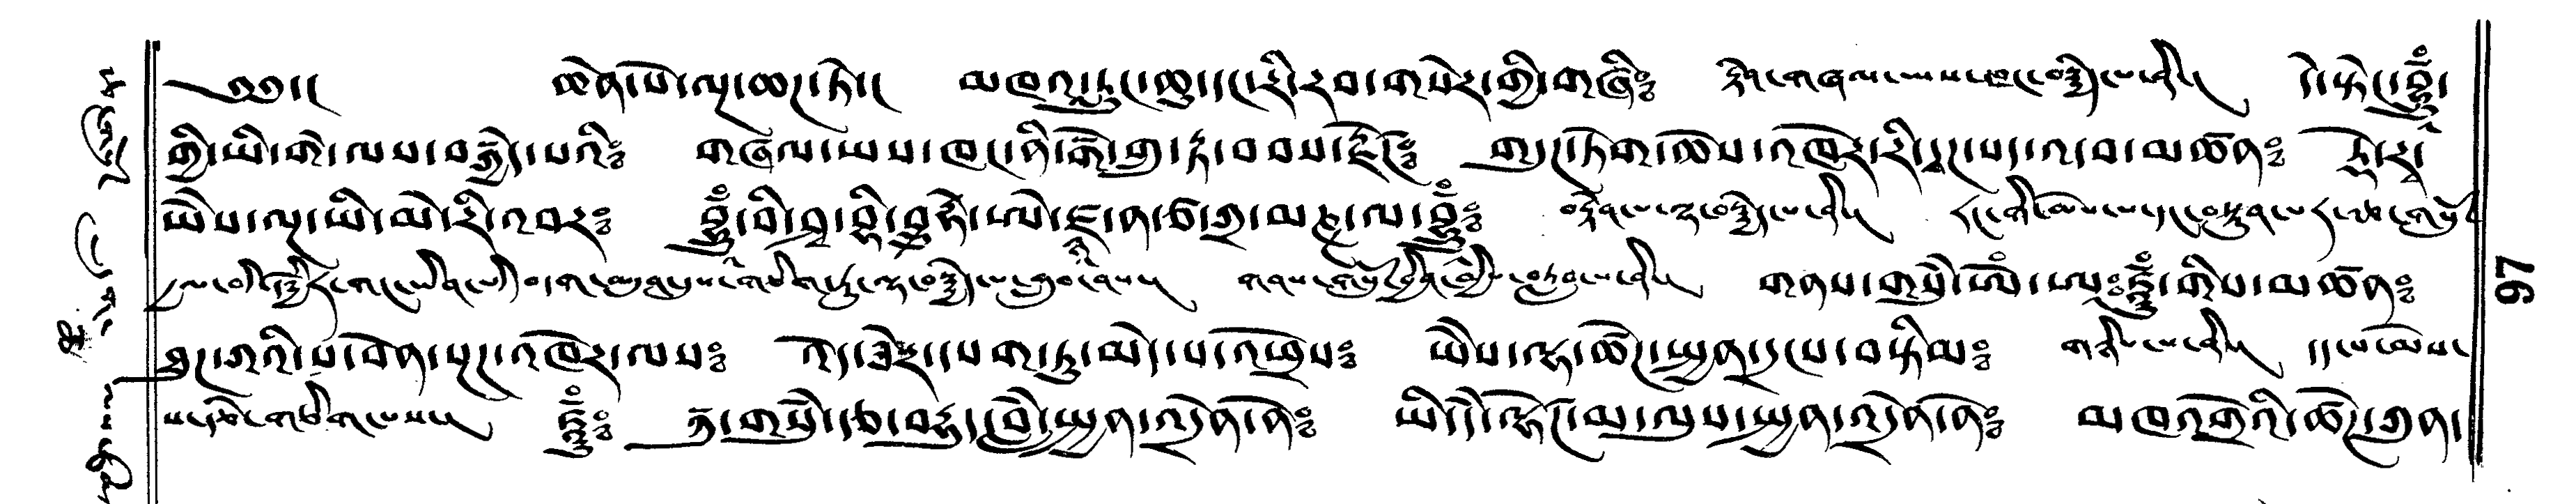ཆེན་པོ་ལྔ་ཆགས་ཏེ༔ མཁའ་རླུང་ཆུ་དང་རི་རབ་གསེར་གྱི་གཞི༔ རྟེན་གཞལ་ཡས་ཁང་བསྐྱེད་པ་ནི། དེ་སྟེང་བྷྲཱུྃ་
གྱི་ཡི་གེ་ལས་བསྐྱེད་པའི༔ གཞལ་ཡས་ཁང་ནི་སྒོ་གྲུ་རྟ་བབས་རྫོགས༔ གདུགས་ཏོག་ཆོས་འཁོར་རི་དྭགས་པད་འདབ་མཚན༔ རྡོ་རྭ་
ཡེ་ཤེས་ལྔ་ཡི་མེ་རི་འབར༔ བྷྲཱུྃ་བི་ཤྭ་བྷི་ཤུདྡྷེ་ཨེ་ཛྙཱ་ན་ཙཀྲ་མཎྜལ་བྷྲཱུྃ༔ བརྟེན་པ་ལྷ་བསྐྱེད་པ་ནི། རང་གི་མོས་པ་དང་བསྟུན་པར་རྩ་གསུམ་
རྒྱལ་བའི་དཀྱིལ་འཁོར་གང་ཡིན་པའི་བདག་མདུན་དུས་གཅིག་ཏུ་ལྷ་བསྐྱེད་པ་གྲུབ་ནས།གནས་གསུམ་བྱིན་གྱིས་བརླབ་པ་ནི། གནས་གསུམ་ཨོཾ་ཨཱཿཧཱུྃ་གིས་མཚན༔ 
ཐུགས་ཀའི་ས་བོན་སྔགས་འཁོར་ལས༔ འོད་ཟེར་དཔག་ཏུ་མེད་པ་འཕྲོས༔ ཡེ་ཤེས་ལྷ་ཚོགས་སྤྱན་དྲངས་བསྟིམ༔ གཉིས་པ་ནི། དད་པ་མོས་
པ་རྩེ་གཅིག་པས། ཧཱུྃ༔ སྐུ་གསུམ་རྩ་བརྒྱུད་བླ་མ་སྤྱན་འདྲེན་ནོ༔ ཡི་དམ་ལྷ་ཚོགས་མ་ལུས་སྤྱན་འདྲེན་ནོ༔ མཁའ་འགྲོའི་ཚོགས་ཀུན་